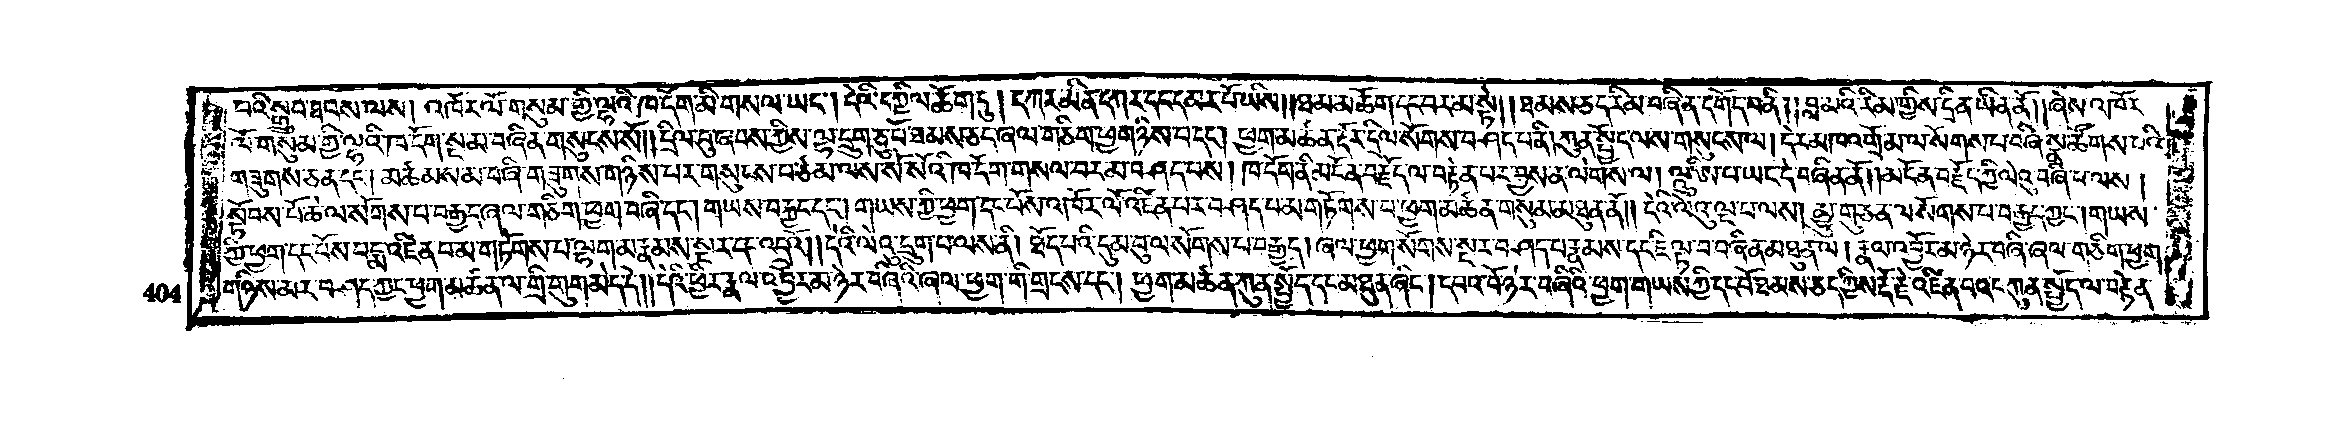པའི་སྒྲུབ་ཐབས་ལས། འཁོར་ལོ་གསུམ་གྱི་ལྷའི་ཁ་དོག་མི་གསལ་ཡང་། དེའི་དཀྱིལ་ཆོག་ཏུ། དཀར་མིན་དཀར་དང་དམར་པོ་ཡིས། །ཐ་མ་མཆོག་དང་བར་མ་སྟེ། །ཐམས་ཅད་རིམ་བཞིན་དགོད་པ་ནི། །བླ་མའི་རིམ་གྱིས་དྲིན་ཡིན་ནོ། །ཞེས་འཁོར་
ལོ་གསུམ་གྱི་ལྷའི་ཁ་དོག་སྔ་མ་བཞིན་གསུངས་སོ། །དྲིལ་བུ་ཞབས་ཀྱིས་ལྷ་དྲུག་ཅུ་པོ་ཐམས་ཅད་ཞལ་གཅིག་ཕྱག་གཉིས་པ་དང་། ཕྱག་མཚན་རྡོར་དྲིལ་སོགས་བཤད་པ་ནི། ཀུན་སྤྱོད་ལས་གསུངས་ལ། དེར་མཁའ་འགྲོ་མ་ལ་སོགས་པ་བཞི་སྣ་ཚོགས་པའི་
གཟུགས་ཅན་དང་། མཚམས་མ་བཞི་གཟུགས་གཉིས་པར་གསུངས་པ་ཙམ་ལས་སོ་སོའི་ཁ་དོག་གསལ་བར་མ་བཤད་པས། ཁ་དོག་ནི་མངོན་བརྗོད་ལ་བརྟེན་པར་བྱས་ན་ལེགས་ལ། ལཱུ་ཨི་པ་ཡང་དེ་བཞིན་ནོ། །མངོན་བརྗོད་ཀྱི་ལེའུ་བཞི་པ་ལས།
སྟོབས་པོ་ཆེ་ལ་སོགས་པ་བརྒྱད་ཞལ་གཅིག་ཕྱག་བཞི་དང་། གཡས་བརྐྱང་དང་། གཡས་ཀྱི་ཕྱག་དང་པོས་འཁོར་ལོ་འཛིན་པར་བཤད་པ་མ་གཏོགས་པ་ཕྱག་མཚན་གསུམ་མཐུན་ནོ། །དེའི་ལེའུ་ལྔ་པ་ལས། མྱུ་གུ་ཅན་ལ་སོགས་པ་བརྒྱད་ཀྱང་། གཡས་
ཀྱི་ཕྱག་དང་པོས་པདམ་འཛིན་པ་མ་གཏོགས་པ་ལྷག་མ་རྣམས་སྔར་དང་འདྲའོ། །དེའི་ལེའུ་དྲུག་པ་ལས་ནི། ཐོད་པའི་དུམ་བུ་ལ་སོགས་པ་བརྒྱད། ཞལ་ཕྱག་སོགས་སྔར་བཤད་པ་རྣམས་དང་ཇི་ལྟ་བ་བཞིན་མཐུན་ལ། རྣལ་འབྱོར་མ་ཉེར་བཞི་ཞལ་གཅིག་ཕྱག་
གཉིས་མར་བཤད་ཀྱང་ཕྱག་མཚན་ལ་ཀྲི་གུག་མེད་དེ། །དེའི་ཕྱིར་རྣལ་འབྱོར་མ་ཉེར་བཞིའི་ཞལ་ཕྱག་གི་གྲངས་དང་། ཕྱག་མཚན་ཀུན་སྤྱོད་དང་མཐུན་ཞིང་། དཔའ་བོ་ཉེར་བཞིའི་ཕྱག་གཡས་ཀྱི་དང་པོ་ཐམས་ཅད་ཀྱིས་རྡོ་རྗེ་འཛིན་པའང་ཀུན་སྤྱོད་ལ་བརྟེན་